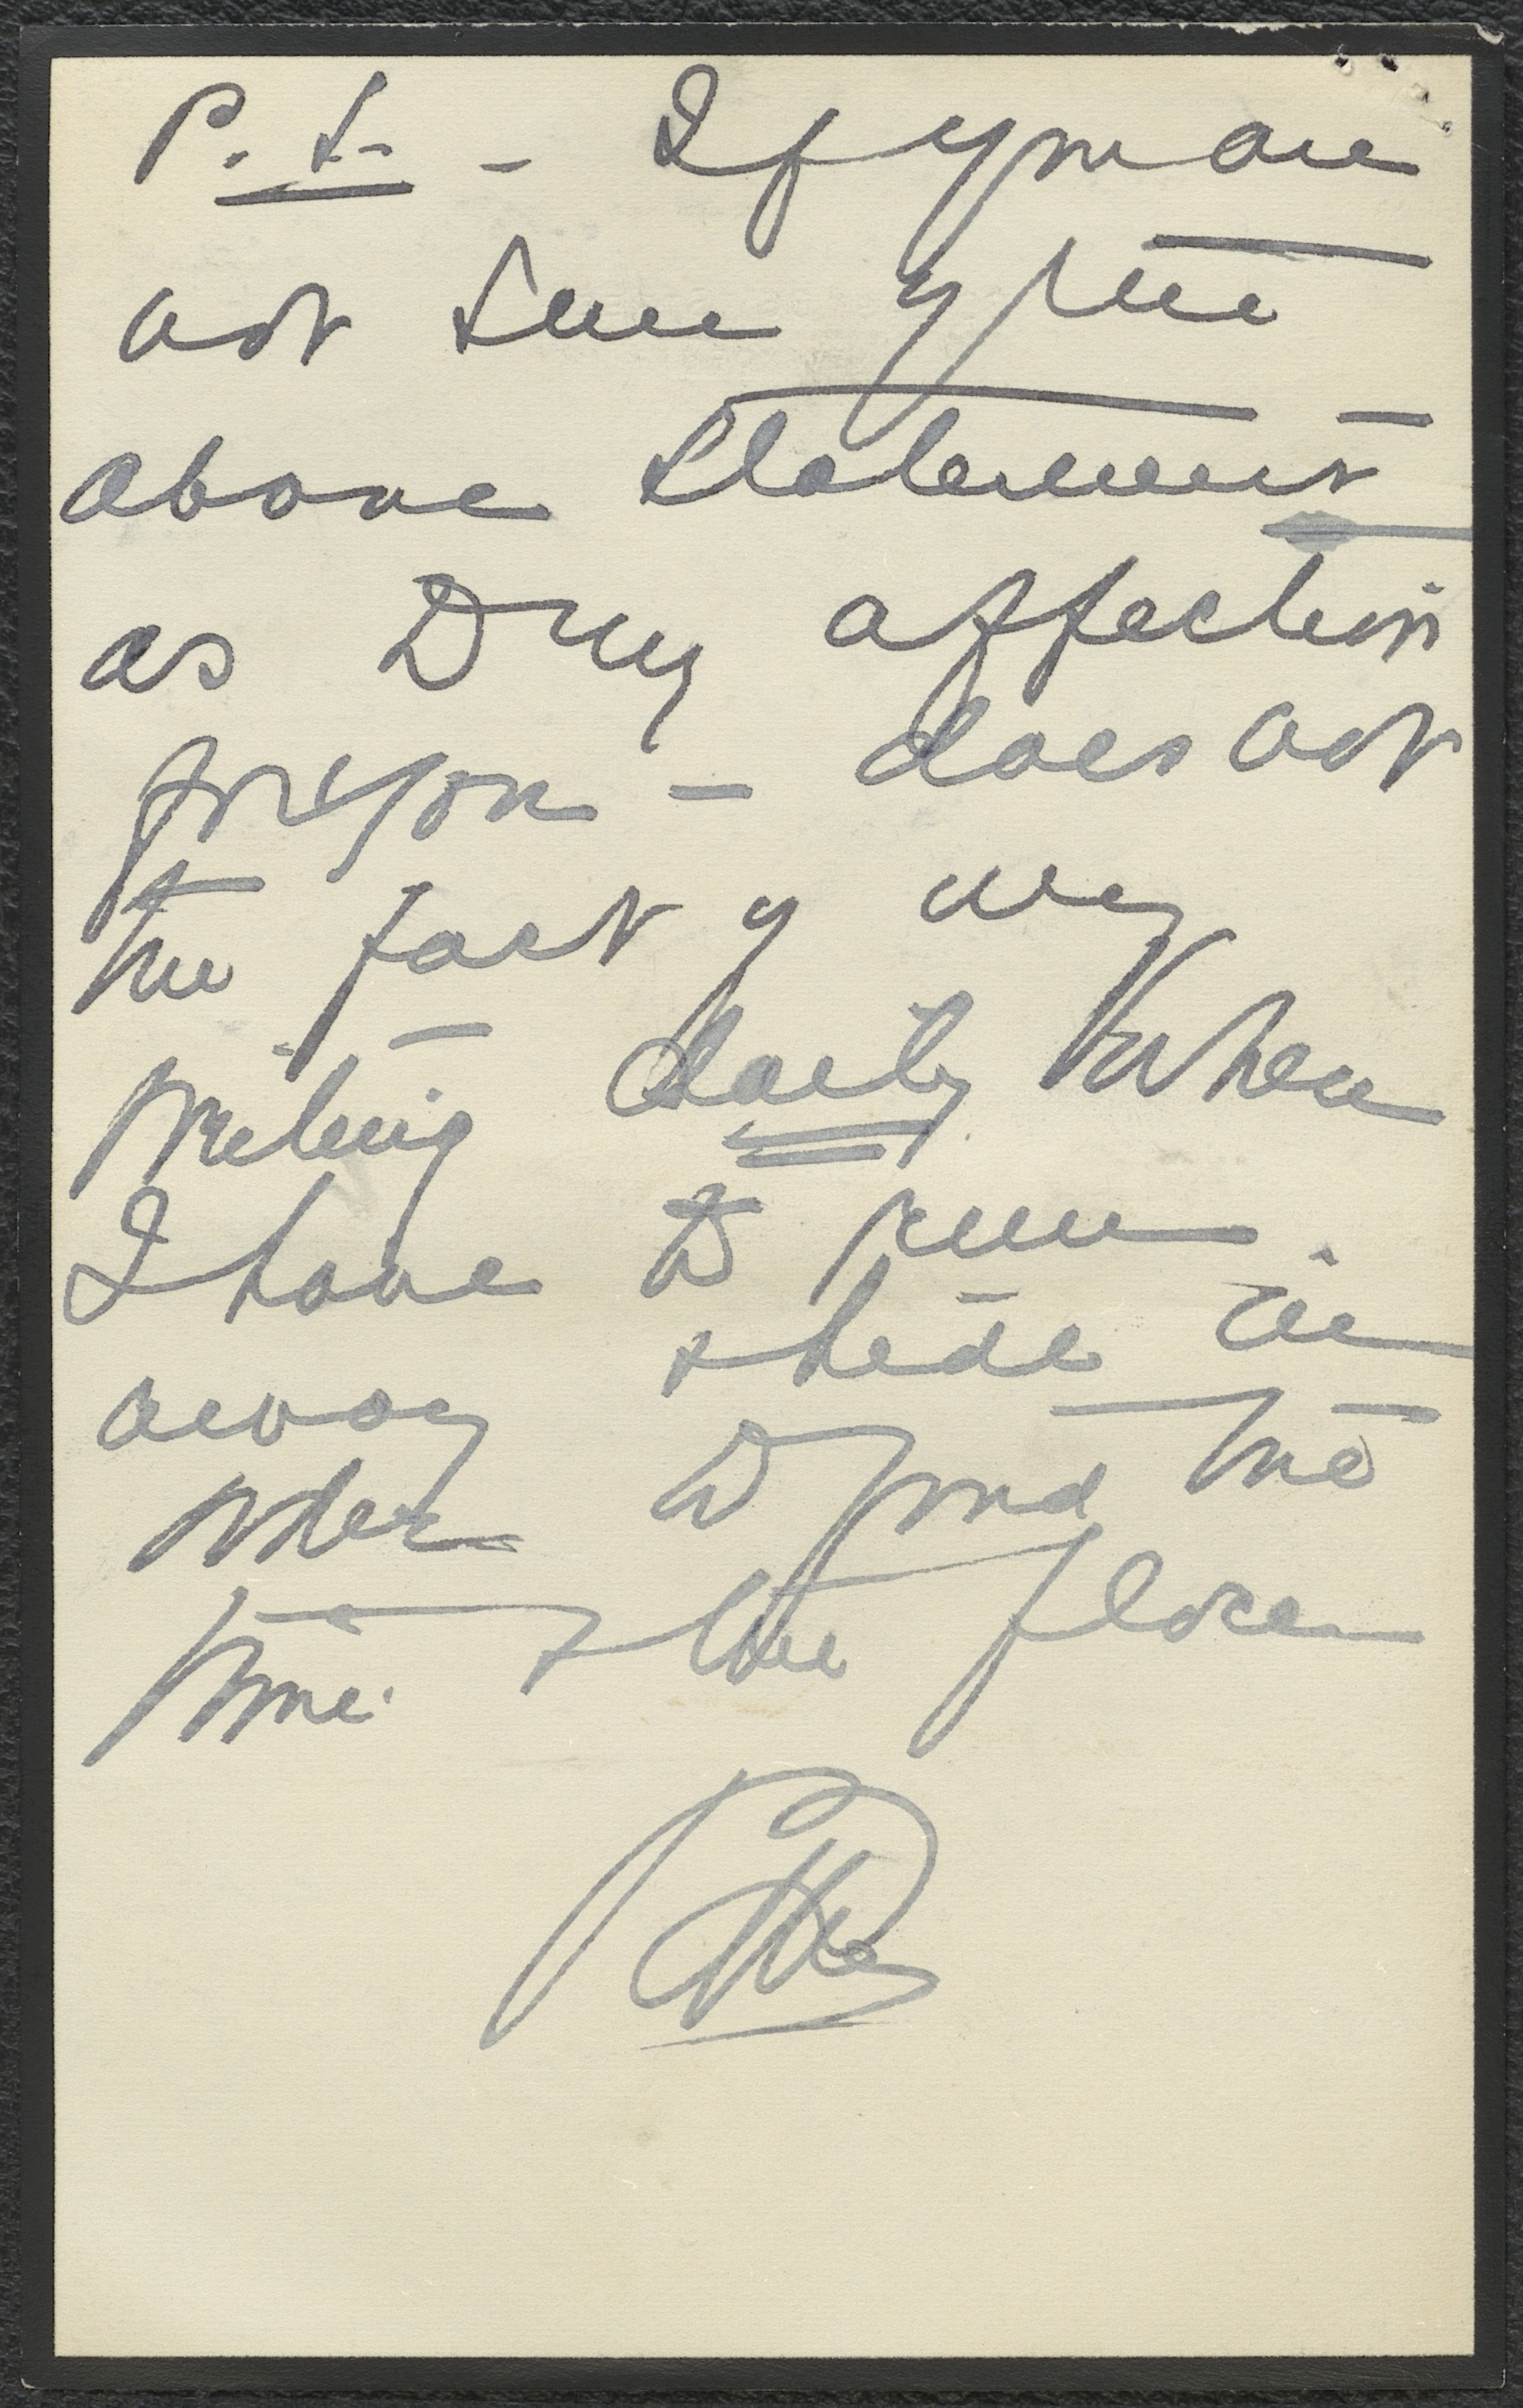P.S. – If you are not sure of the above statement as to my affection for you – does not the fact of my writing [double underlined: daily] when I have to run away & hide in order to find the time & the place –
Belle